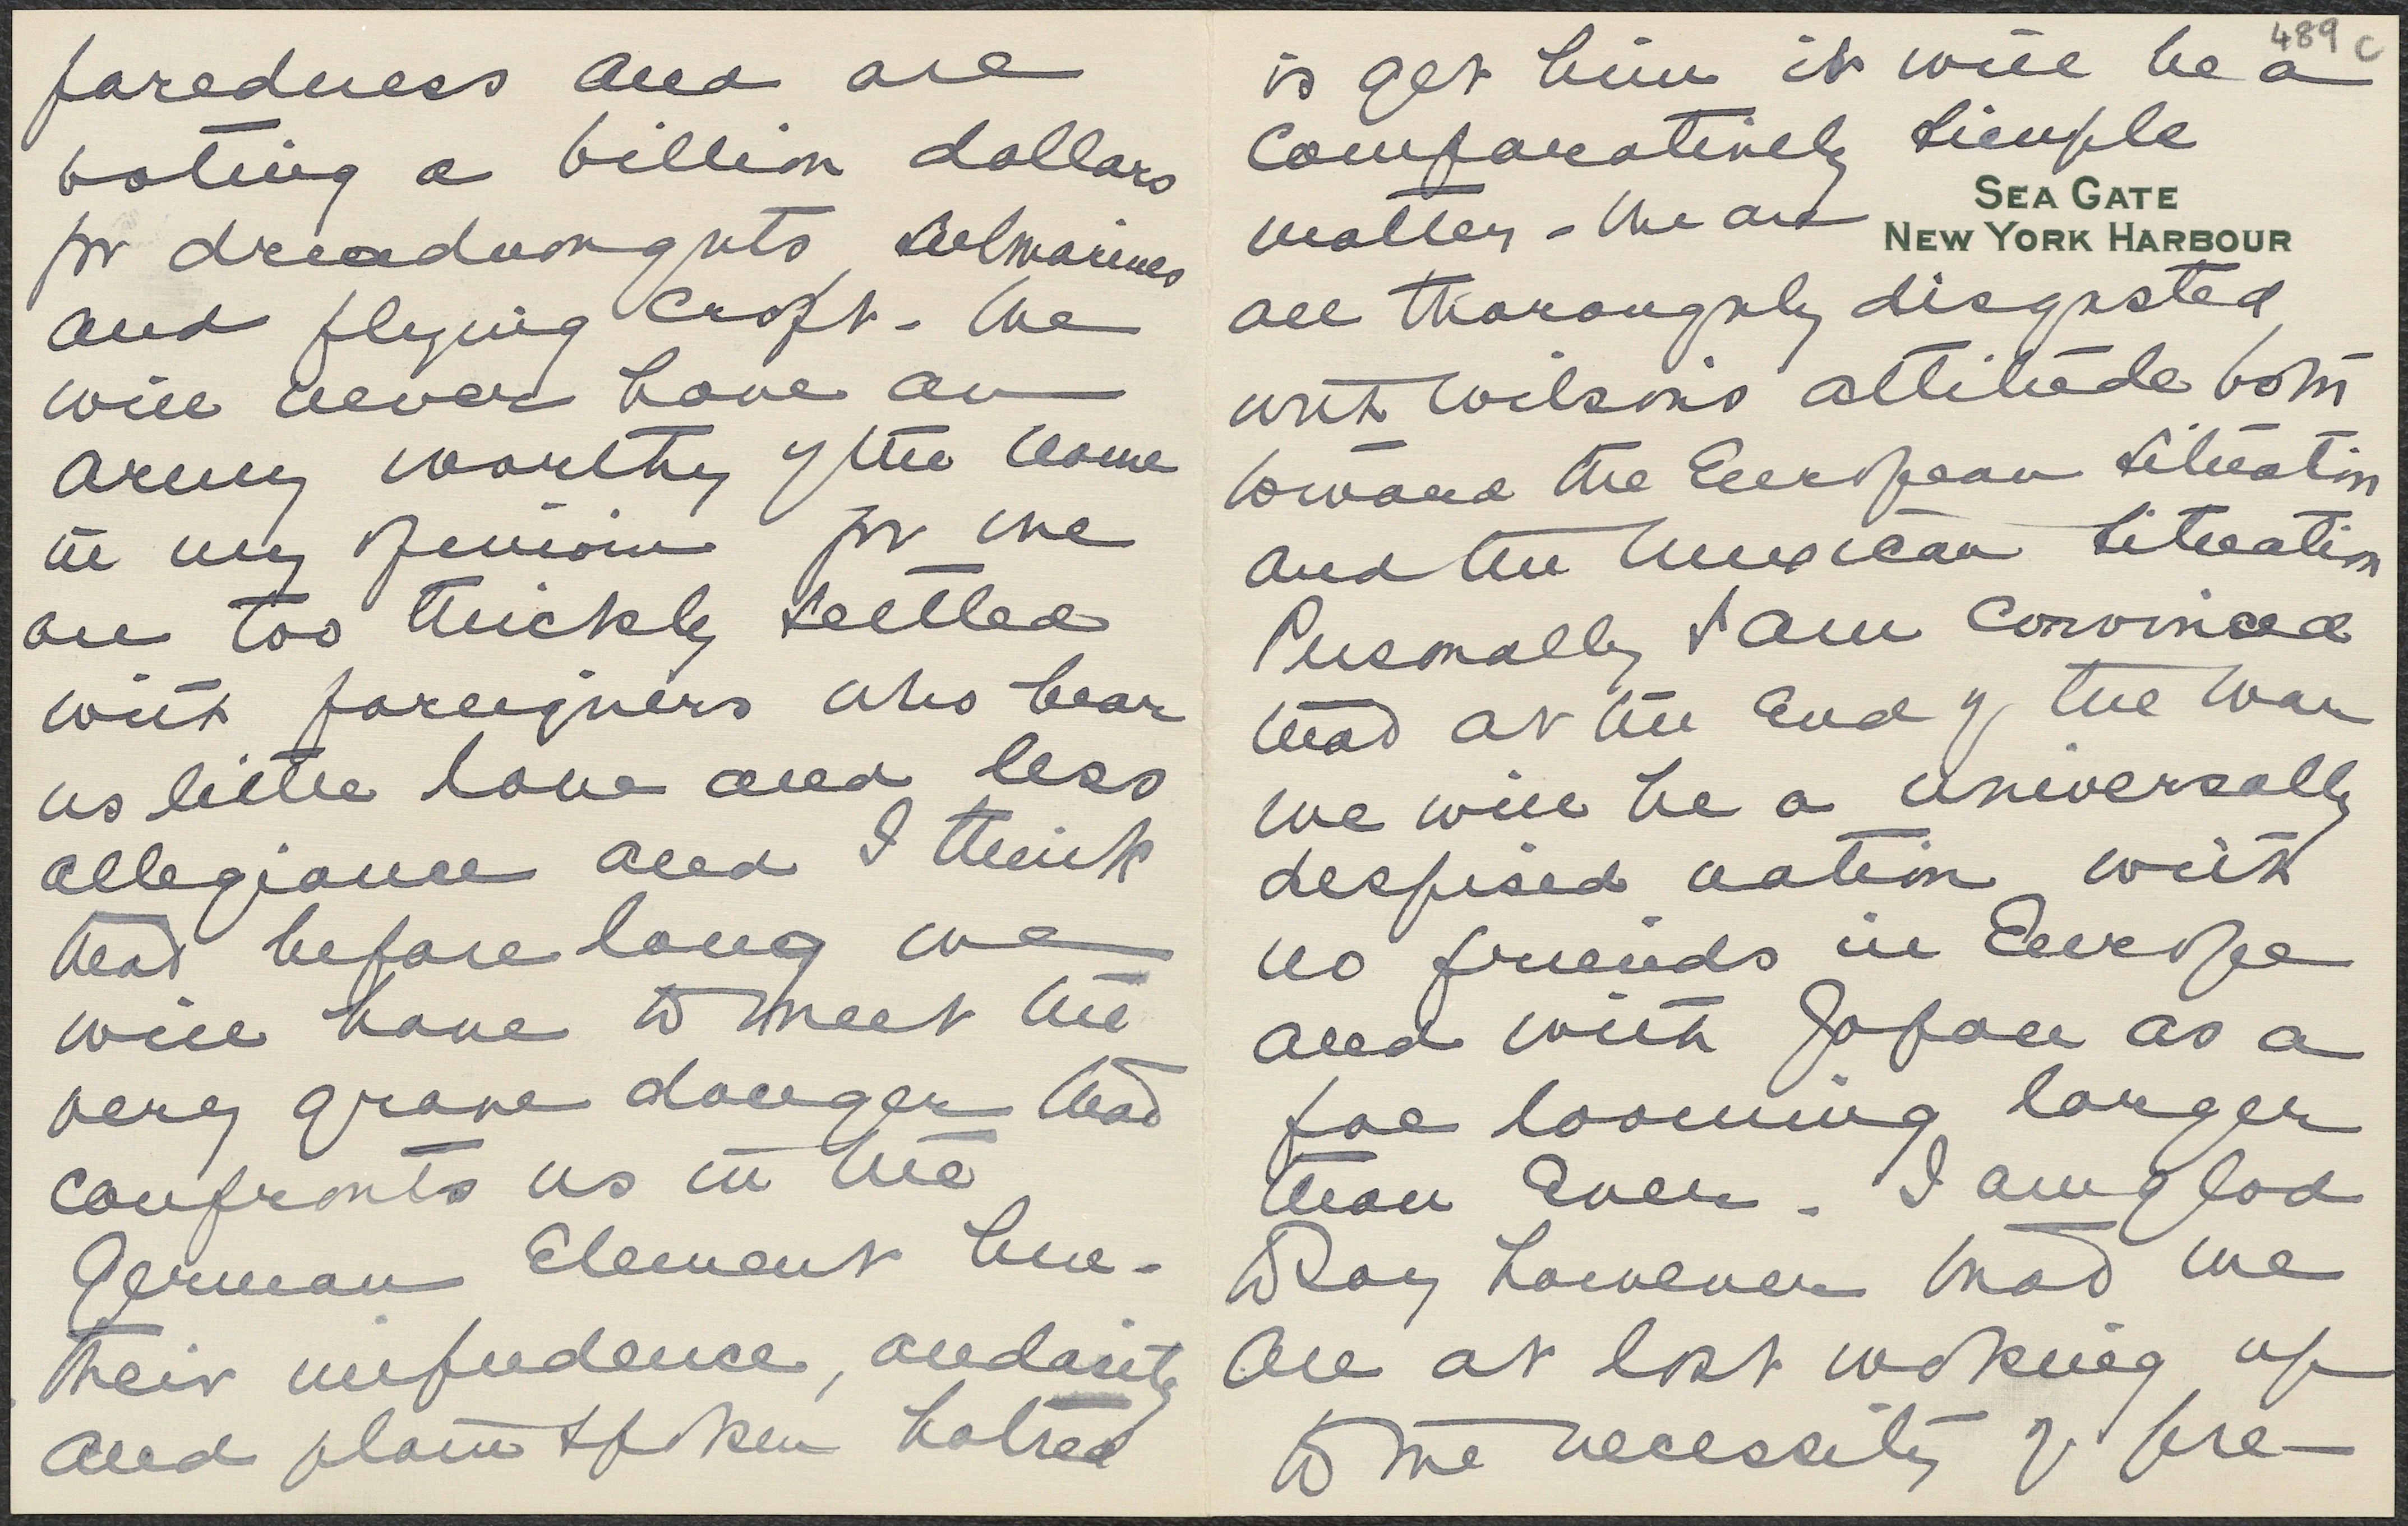is [sic] get him it will be a comparatively simple matter – we are all thoroughly disgusted with Wilson’s attitude both toward the European situation and the Mexican situation Personally I am convinced that at the end of the war we will be a universally despised nation with no friends in Europe and with Japan as a foe looming larger than ever. I am glad to say however that we are at last waking up to the necessity of
preparedness and are voting a billion dollars for dreadnoughts, submarines and flying craft – We will never have an army worthy of the name in my opinion for we are too thickly settled with foreigners who bear us little love and less allegiance and I think that before long we will have to meet the very grave danger that confronts us in the German Element here – their impudence, audacity and plain spoken hatred